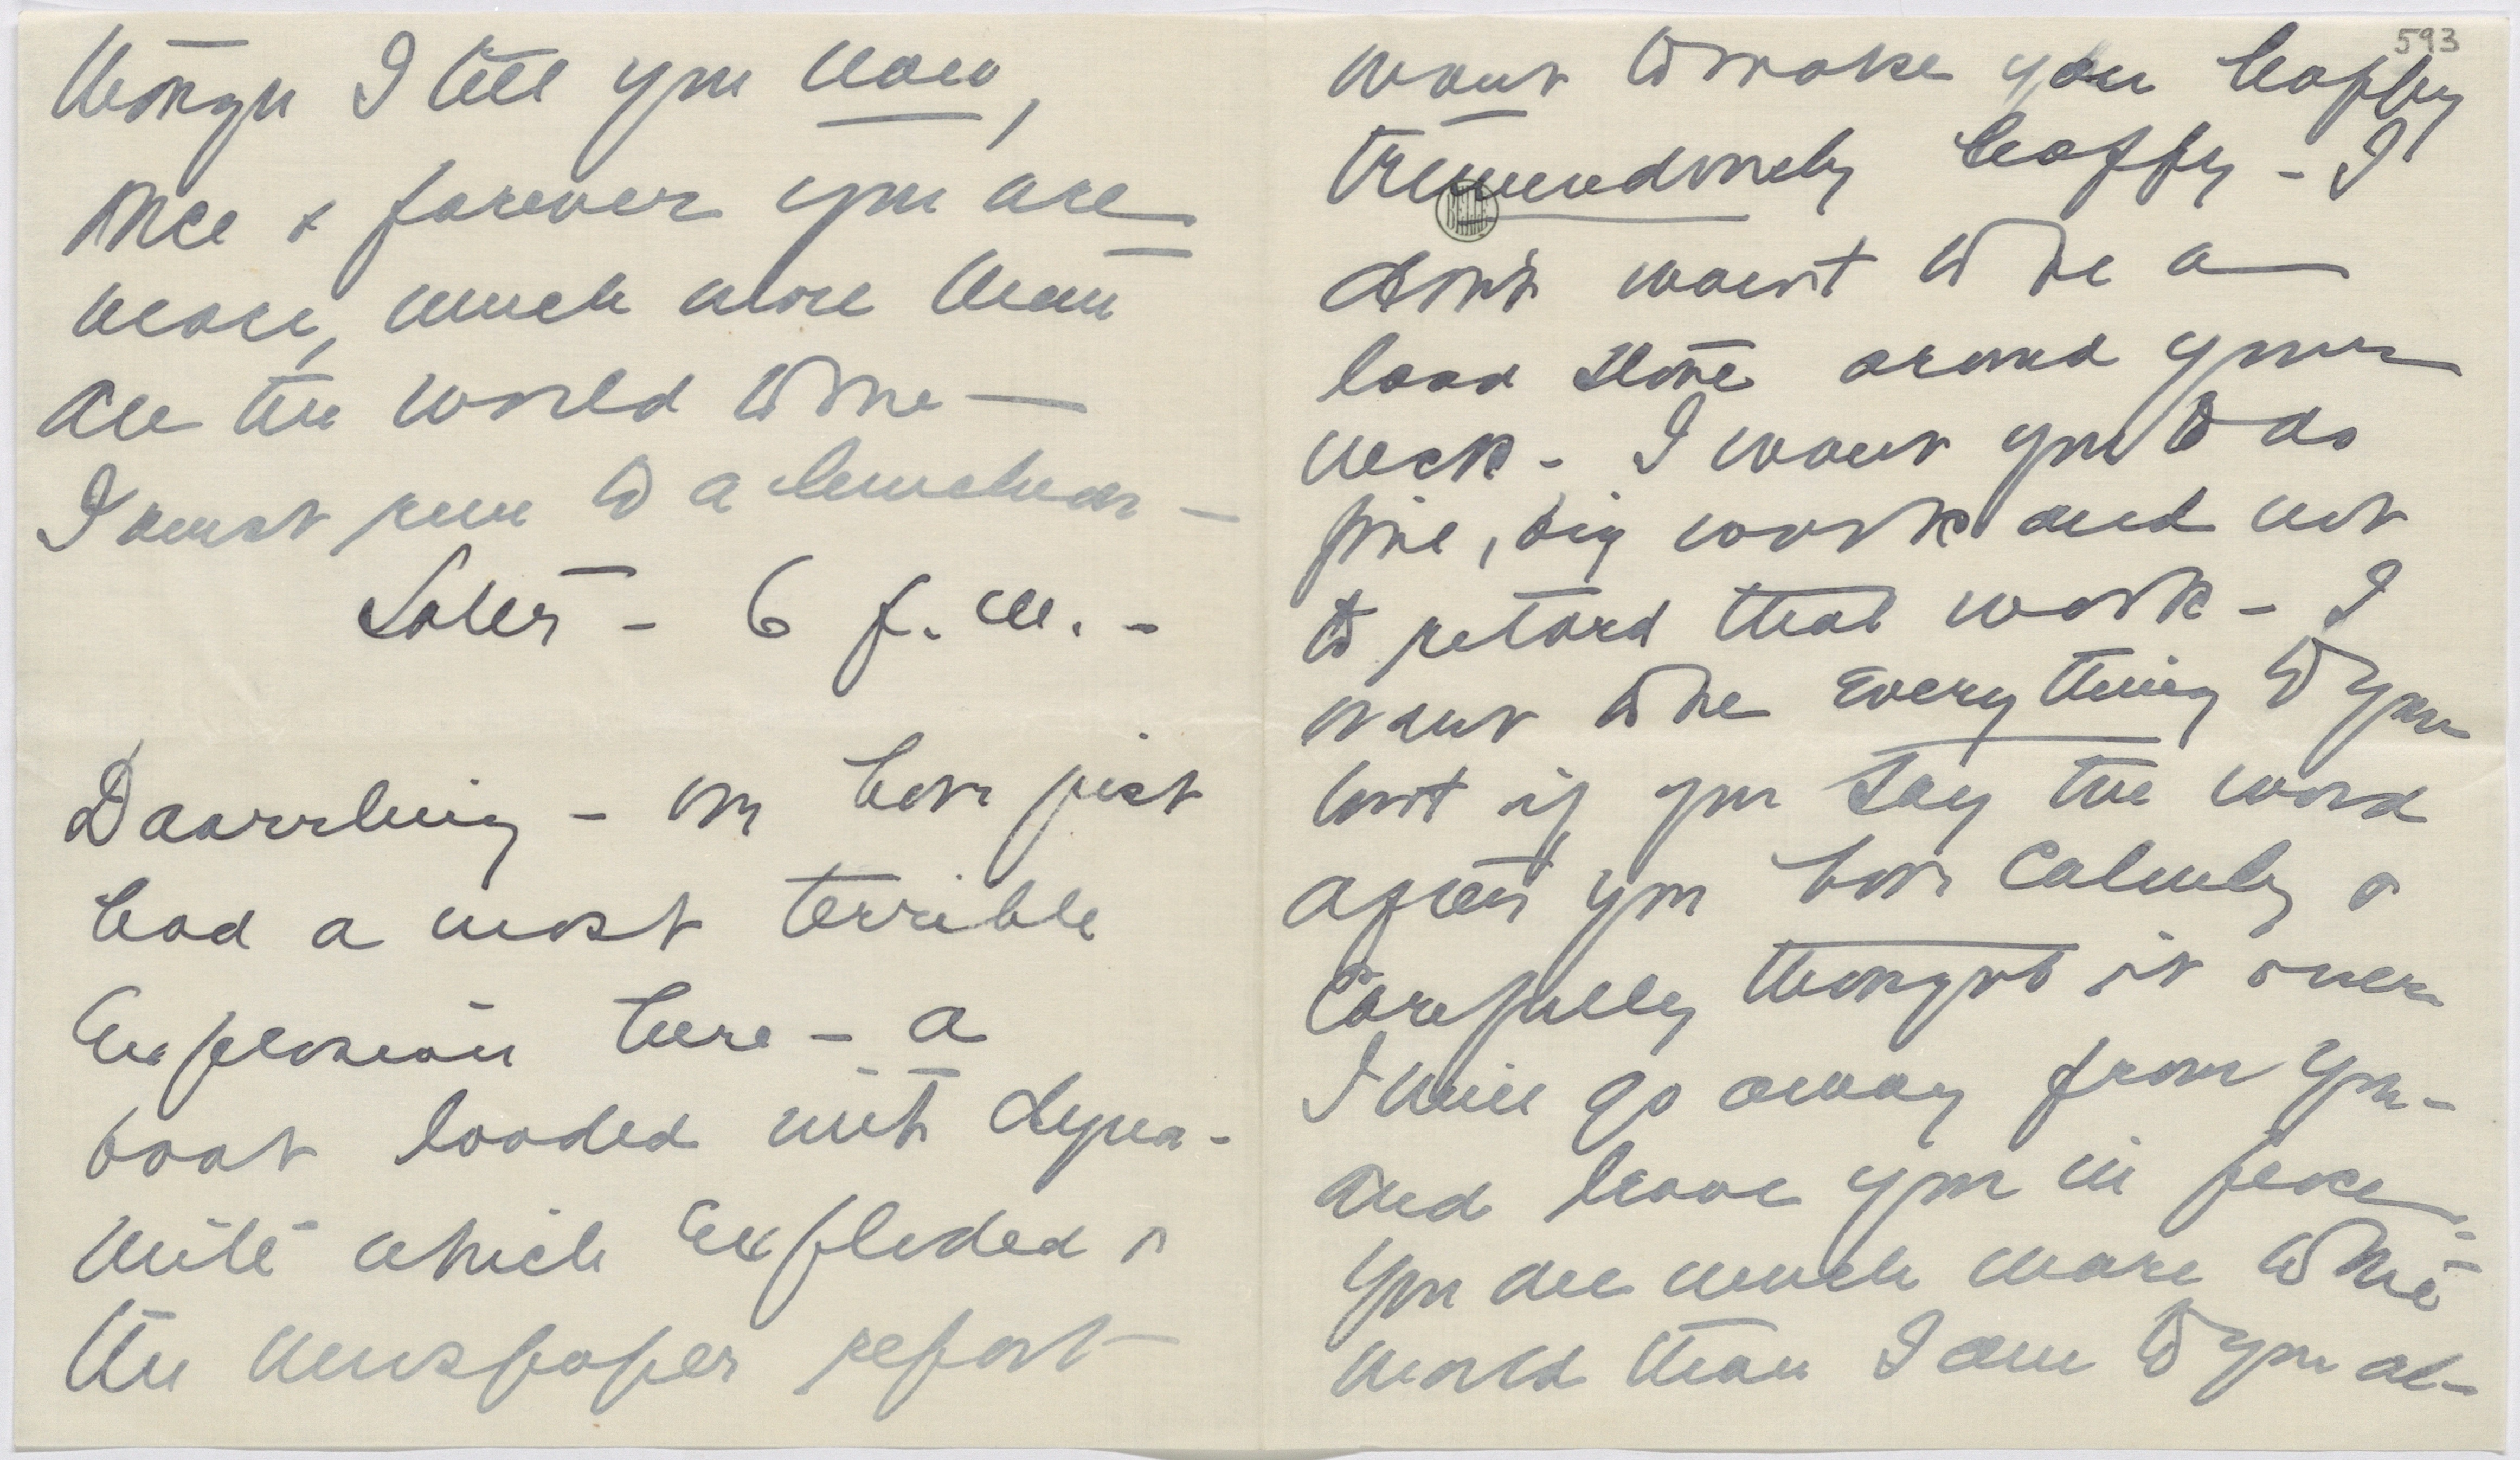want to make you happy tremendously happy – I don’t want to be a load [sic] stone around your neck – I want you to do fine, big work and not to retard that work – I want to be every thing to you but if you say the word after you have calmly & carefully thought it over I will go away from you – and leave you in peace. You are much more to the world than I am to you although
I tell you now, once & forever you are more, much more than all the world to me – I must run to a luncheon –
Later – 6 p.m.
Daarrling – we have just had a most terrible explosion here – a boat loaded with dynamite which exploded & the newspaper report